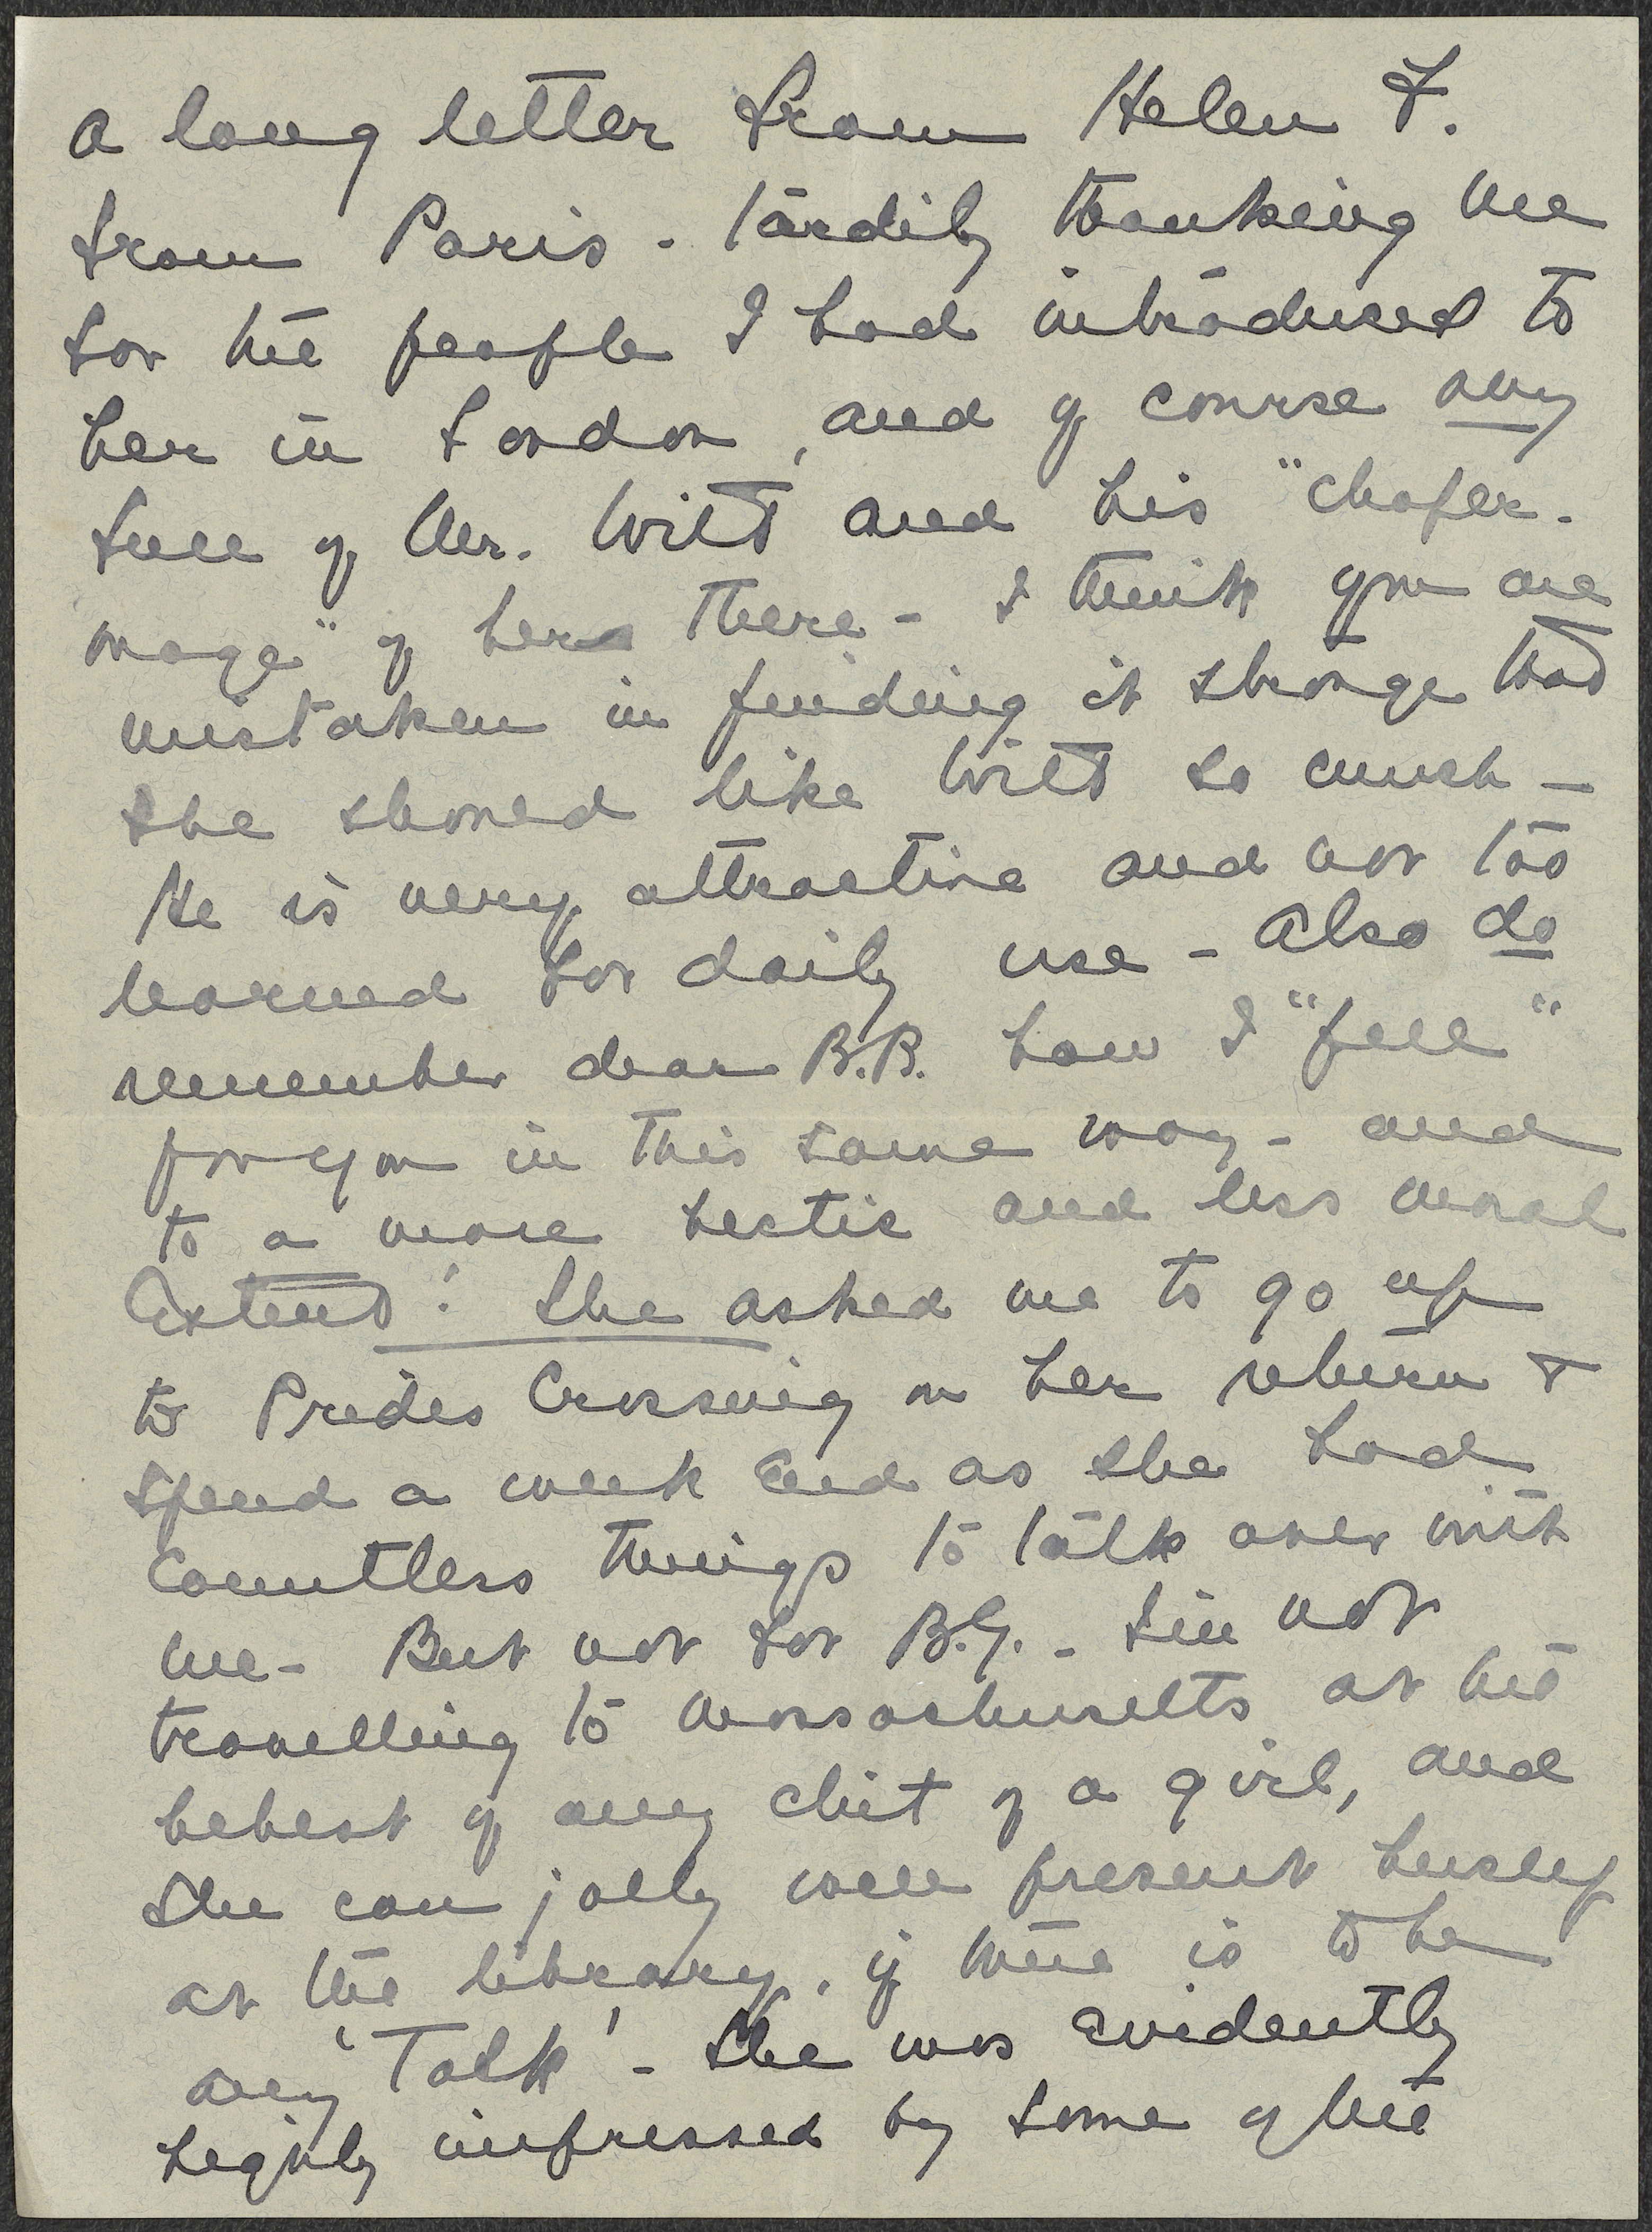a very long letter from Helen F. from Paris – tardily thanking me for the people I had introduced to her in London, and of course very full of Mr. Witt and his “chaperonage” of her there – I think you are mistaken in finding it strange that she should like Witt so much – He is very attractive and not too learned for daily use – Also do remember dear B.B. how I “fell” for you in this same way – and to a more hectic and less moral extent! She asked me to go up to Prides Crossing on her return & spend a weekend as she had countless things to talk over with me – But not for B.G. – I’m not travelling to Massachusetts at the behest of any chit of a girl, and she can jolly well present herself at the Library, if there is to be any ‘Talk’ – She was evidently highly impressed by some of the